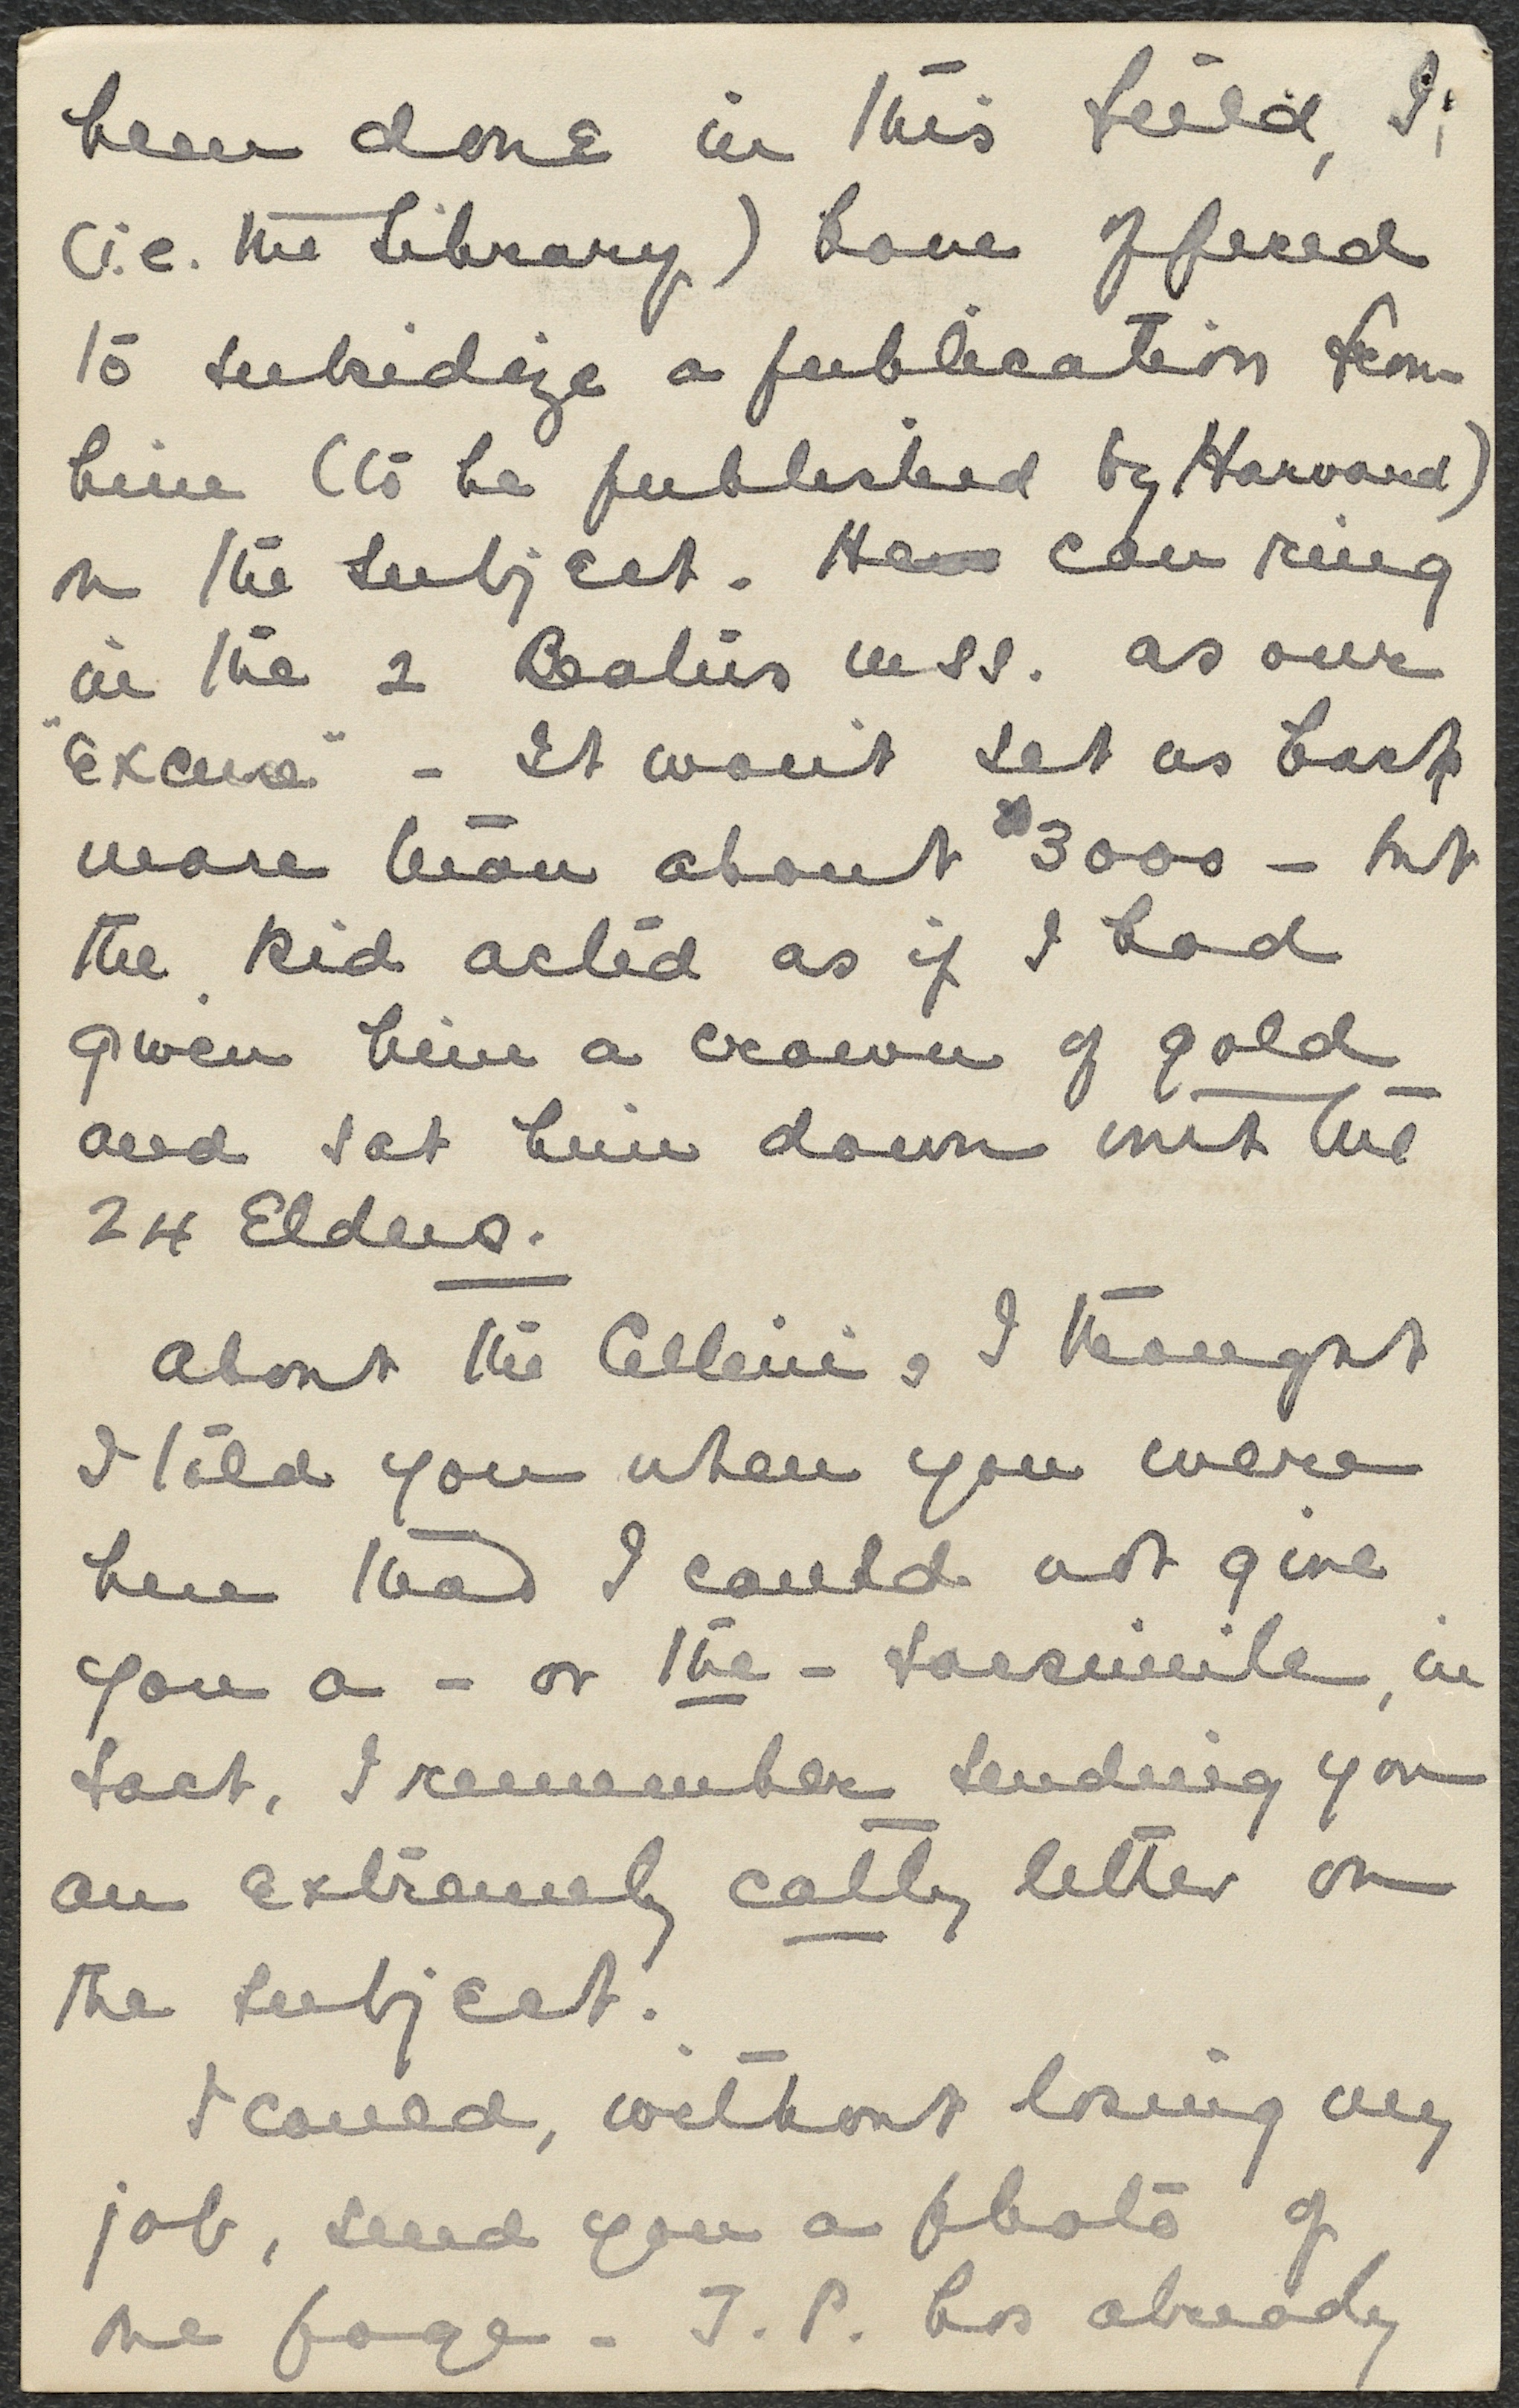been done in this field, I (i.e. the Library) have offered to subsidize a publication from him (to be published by Harvard) on the subject. He can ring in the 2 Beatus MSS. as our "excuse" – It won't set us back more than about $3000 – but the kid acted as if I had given him a crown of gold and set him down with the 24 Elders.
About the Cellini, I thought I told you when you were here that I could not give you a – or the – facsimile, in fact, I remember sending you an extremely catty letter on the subject.
I could, without losing my job, send you a photo of one page – J.P. has already